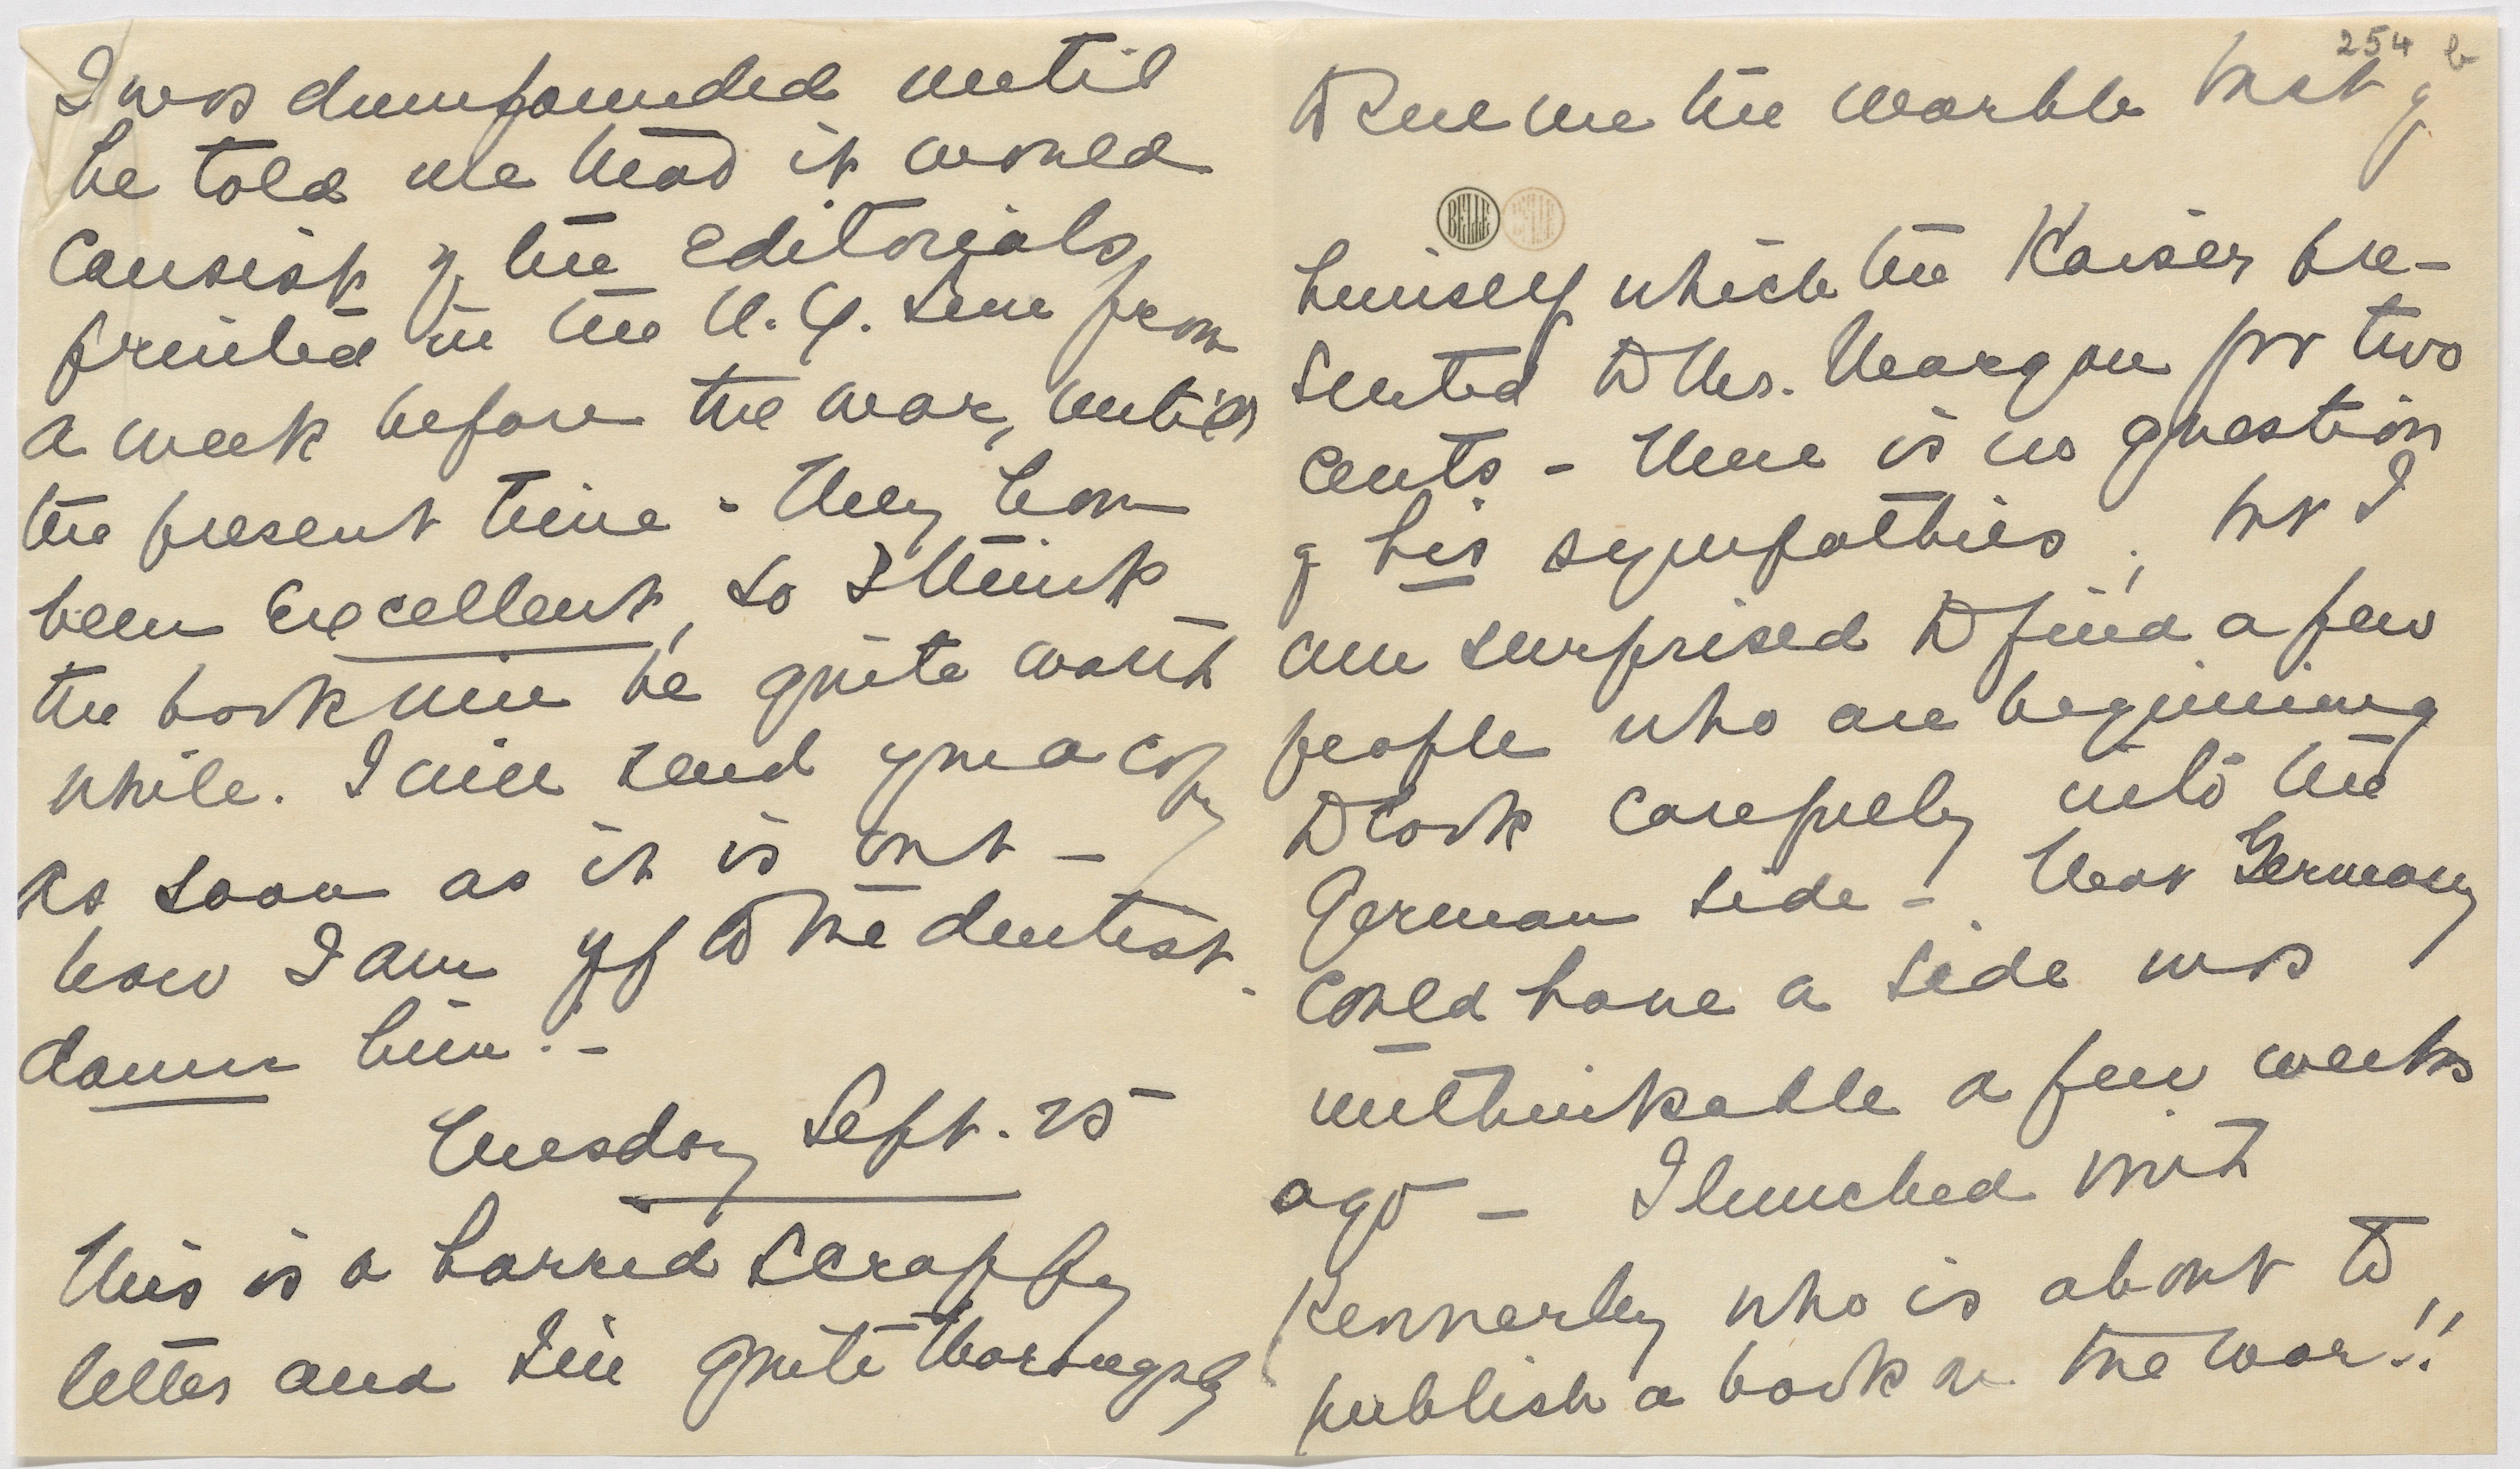to sell me the marble bust of himself which the Kaiser presented to Mrs. Morgan for two cents – there is no question of his sympathies, but I am surprised to find a few people who are beginning to look carefully into the German side – That Germany could have a side was unthinkable a few weeks ago – I lunched with Kennerley who is about to publish a book on the war!!
I was dumbfounded until he told me that it would consist of the editorials, printed in the N.Y. Sun from a week before the war, until the present time – they have been excellent, so I think the book will be quite worthwhile. I will send you a copy as soon as it is out –
Now I am off to the dentist – damn him –
Tuesday Sept. 25 –
This is a horrid scrappy letter and I’m quite thoroughly